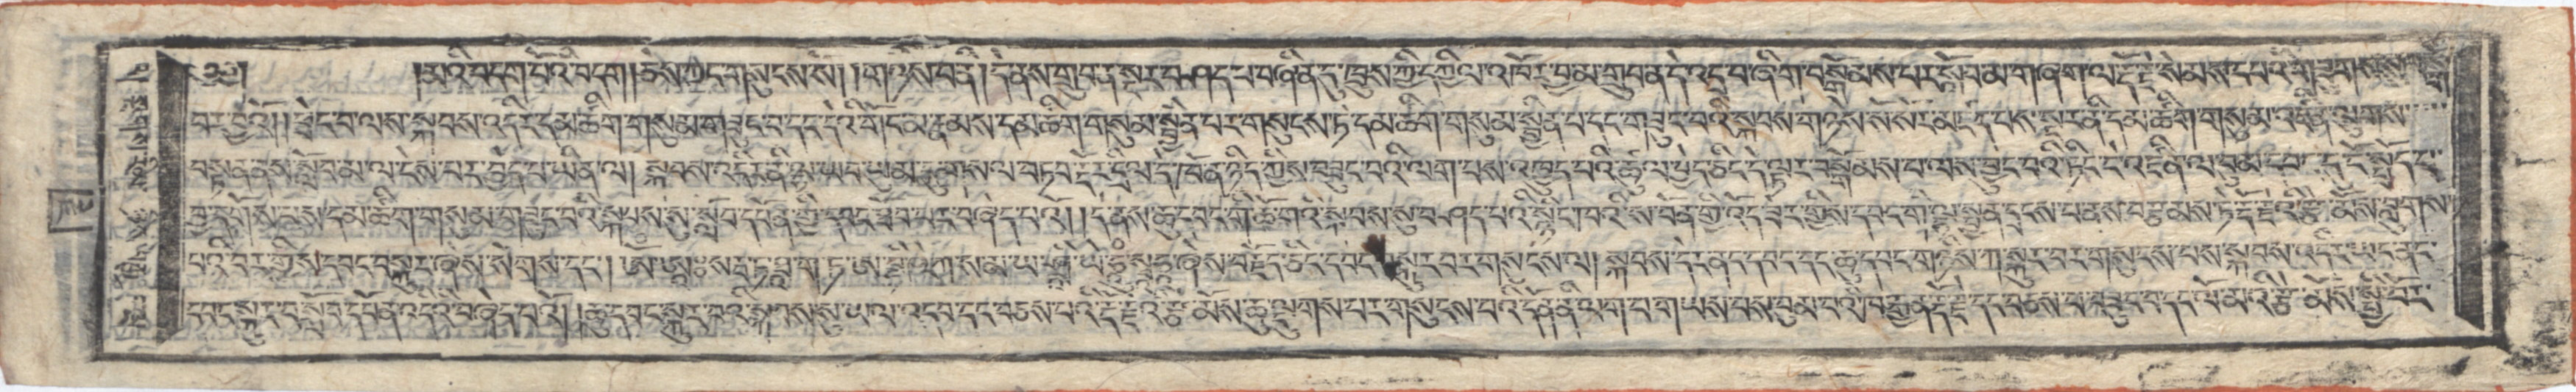༄༅། །མའི་བདག་པོའི་བདག །ཅེས་ཀྱང་གསུངས་སོ། །གཉིས་པ་ནི། དེ་ནས་གྲུབ་ན་སྔར་བཤད་པ་བཞིན་དུ་ཁྲུས་ཀྱི་དཀྱིལ་འཁོར་བྱ་མ་གྲུབ་ན་དེ་འདྲ་བ་ཞིག་བསྒོམས་པར་སློབ་མ་གཞག་ལ་རྡོ་རྗེ་སེམས་དཔའི་གཟུགས་སུ་བསྒོཾ་
བར་བྱའོ། །ཕྲེང་བ་ལས་སྐབས་འདིར་དམ་ཚིག་གསུམ་གཟུང་བ་དང་དེའི་གོང་མ་རྣམས་དམ་ཚིག་གསུམ་སྦྱིན་པར་གསུངས་ཏེ་དམ་ཚིག་གསུམ་སྦྱིན་པ་དང་གཟུང་བའི་སྐབས་གཉིས་སོ་སོར་མཛད་པས་སྔར་ནི་དམ་ཚིག་གསུམ་འཛིན་ལུགས་
བསྟན་ནས་སློབ་མ་ལ་ངེས་པར་བྱེད་པ་ཡིན་ལ། སྐབས་འདིར་ནི་ལྷ་ཡབ་ཡུམ་དུ་གསལ་བཏབ་རྡོར་དྲིལ་དེ་ཁོ་ན་ཉིད་ཀྱིས་བཟུང་བའི་ལག་པས་འཁྱུད་པའི་ཚུལ་བྱེད་ཅིང་དེ་ལྟར་བསྒོམས་པ་ལས་བྱུང་བའི་ཏིང་ངེ་འཛིན་ལ་བུམ་དབང་དུ་ངོ་སྤྲོད་པ་
བྱ་དགོས་པས་དམ་ཚིག་གསུམ་གཟུང་བའི་སྐབས་སུ་སློབ་དཔོན་གྱི་དབང་ཐོབ་པར་བཞེད་པའོ། །དེ་ནས་ཆུ་དབང་གི་ཆོ་གའི་སྐབས་སུ་བཤད་པའི་སྙིང་ཁའི་ས་བོན་གྱི་འོད་ཟེར་གྱིས་དབང་གི་ལྷ་སྤྱན་དྲངས་པ་ནས་བརྩམས་ཏེ་རྡོ་རྗེའི་རྩེ་མོས་བླུགས་
པའི་བར་གྱིས་དབང་བསྐུར་ཞེས་སོགས་དང་། ཨོཾ་ཨཱཿསརྦ་ཏ་ཐཱ་ག་ཏ་ཨ་བྷི་ཥེ་ཀ་ས་མ་ཡ་ཤྲཱི་ཡེ་ཧཱུཾ་སྭཱཧཱ་ཞེས་བརྗོད་ཅིང་དབང་བསྐུར་བར་གསུངས་ལ། སྐབས་དེར་ནང་དབང་དང་ཆུ་དབང་གཉིས་ཀ་སྐུར་བར་གསུངས་པས་སྐབས་འདིར་ཡང་ནང་
དབང་སྐུར་བ་སློབ་དཔོན་འདིའི་བཞེད་པའོ། །ཆུ་དབང་སྐུར་བའི་སྐབས་སུ་ཡལ་འདབ་དང་བཅས་པའི་རྡོ་རྗེའི་རྩེ་མོས་ཆུ་ལྡུགས་པར་གསུངས་པའི་དོན་ནི་ལག་པ་གཡས་པས་བུམ་པའི་ཁ་རྒྱན་རྡོ་རྗེ་དང་བཅས་པ་བཟུང་བ་དང་ལོ་མའི་རྩེ་མོས་སྤྱི་བོར་